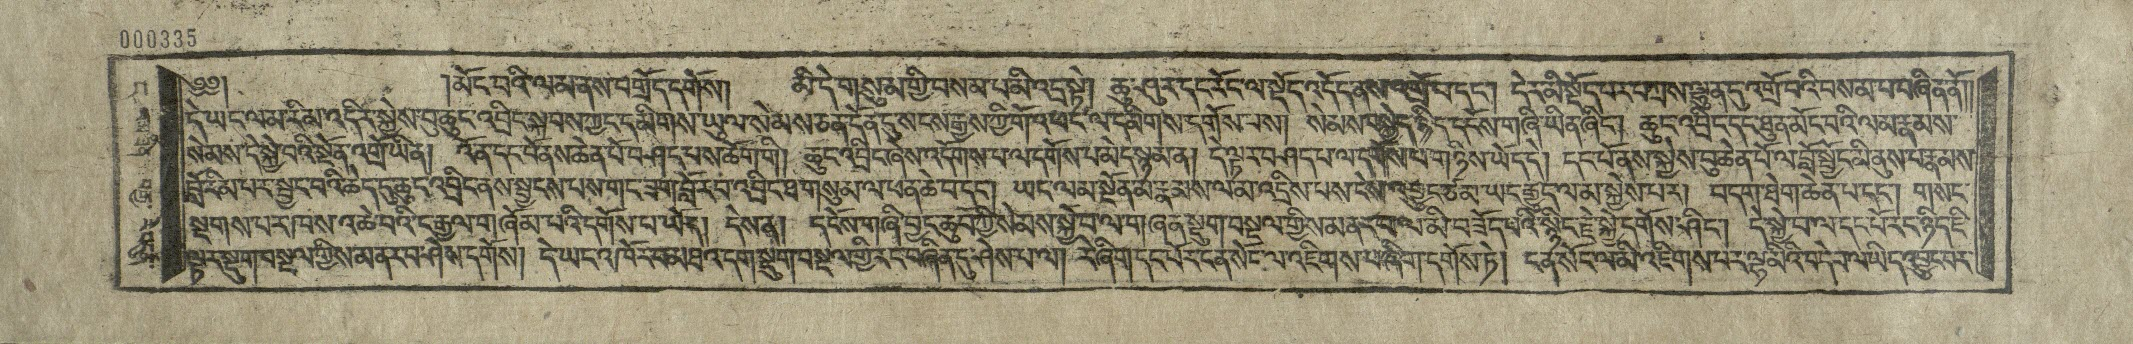༄༅། །མོང་བའི་ལམ་ནས་བགྲོད་དགོས། མི་དེ་གསུམ་གྱི་བསམ་པ་མི་འདྲ་སྟེ། ཆུ་ཤུར་དང་རོང་ལ་སྡོད་འདོད་ནས་འགྲོ་བ་དང་། དེར་མི་སྡོད་པར་བཀྲས་ལྷུན་དུ་འགྲོ་བའི་བསམ་པ་བཞིན་ནོ།།
དེ་ཡང་ལམ་རིམ་འདིར་སྐྱེས་བུ་ཆུང་འབྲིང་སྐབས་ཀྱང་དམིགས་ཡུལ་སེམས་ཅན་དོན་དུ་སངས་རྒྱས་ཀྱི་གོ་འཕང་ལ་དམིགས་དགོས་པས། སེམས་བསྐྱེད་ཉིད་དངོས་གཞི་ཡིན་ཞིང་། ཆུང་འབྲིང་དང་ཐུན་མོང་བའི་ལམ་རྣམས་
སེམས་དེ་སྐྱེ་བའི་སྔོན་འགྲོ་ཡིན། འོ་ན་དང་པོ་ནས་ཆེན་པོ་བཤད་པས་ཆོག་གི། ཆུང་འབྲིང་ཞེས་འདོགས་པ་ལ་དགོས་པ་མེད་སྙམ་ན། དེ་ལྟར་བཤད་པ་ལ་དགོས་པ་གཉིས་ཡོད་དེ། དང་པོ་ནས་སྐྱེས་བུ་ཆེན་པོ་ལ་བློ་སྦྱོང་མི་ནུས་པ་རྣམས་
བློ་རིམ་པར་སྦྱང་བའི་ཆེད་དུ་ཆུང་འབྲིང་ནས་སྦྱངས་པས་གང་ཟག་བློ་རབ་འབྲིང་ཐ་གསུམ་ལ་ཕན་ཆེ་བ་དང་། ཡང་ལམ་སྔོན་མ་རྣམས་ལ་མ་འདྲིས་པས་ངེས་འབྱུང་ཙམ་ཡང་རྒྱུད་ལ་མ་སྐྱེས་པར། བདག་ཐེག་ཆེན་པ་དང་། གསང་
སྔགས་པར་ཁས་འཆེ་བའི་ང་རྒྱལ་གཞོམ་པའི་དགོས་པ་ཡོད། དེས་ན། དངོས་གཞི་བྱང་ཆུབ་ཀྱི་སེམས་སྐྱེ་བ་ལ་གཞན་སྡུག་བསྔལ་གྱིས་མནར་བ་ལ་མི་བཟོད་པའི་སྙིང་རྗེ་སྐྱེ་དགོས་ཤིང་། དེ་སྐྱེ་བ་ལ་དང་པོ་རང་ཉིད་ཇི་
ལྟར་སྡུག་བསྔལ་གྱིས་མནར་བ་ཤེས་དགོས། དེ་ཡང་འཁོར་བ་མཐའ་དག་སྡུག་བསྔལ་གྱི་རང་བཞིན་དུ་ཤེས་པ་ལ། རེ་ཞིག་དང་པོར་ངན་སོང་ལ་འཇིགས་པ་ཞིག་དགོས་ཏེ། ངན་སོང་ལ་མི་འཇིགས་པར་ལྷ་མིའི་བདེ་བ་ལ་ཡིད་འབྱུང་བར་